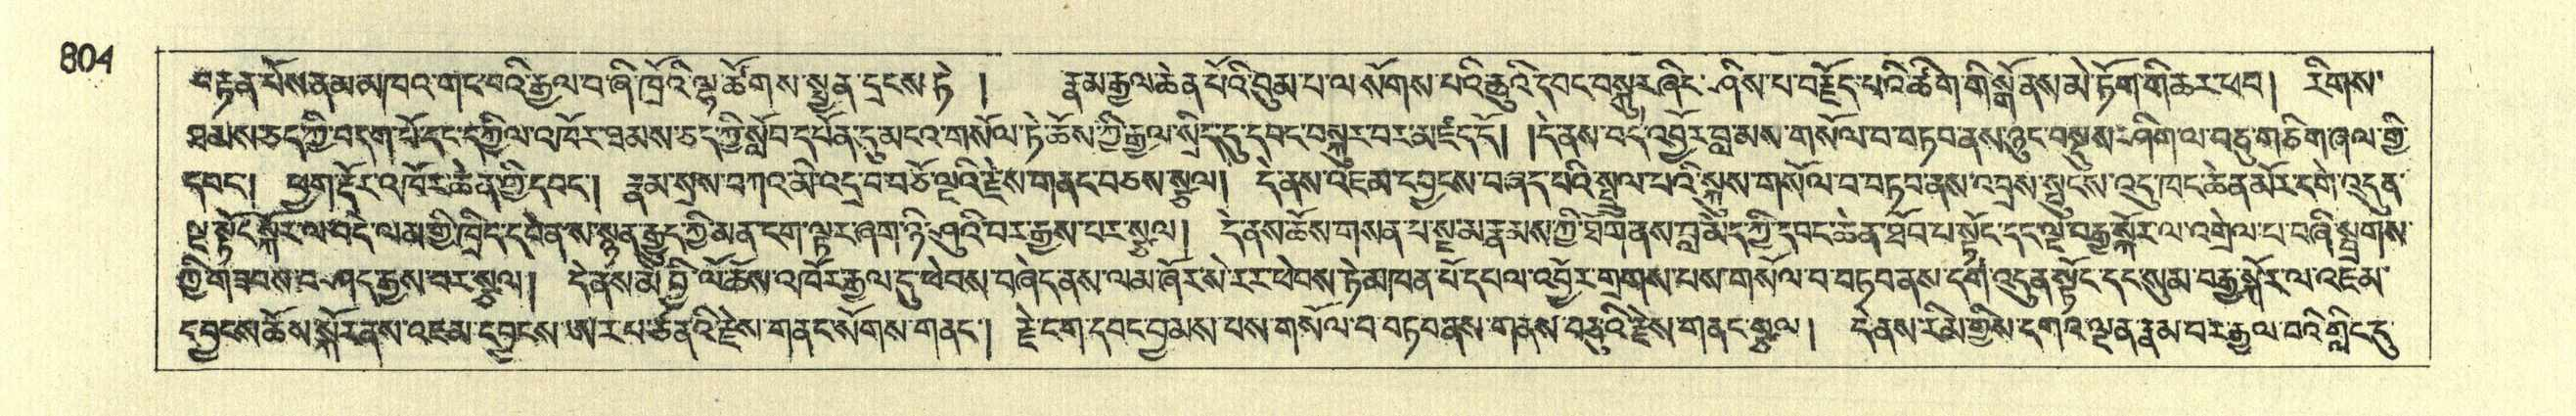བརྟན་པོས་ནམ་མཁའ་གང་བའི་རྒྱལ་བ་ཞི་ཁྲོའི་ལྷ་ཚོགས་སྤྱན་དྲངས་ཏེ། རྣམ་རྒྱལ་ཆེན་པོའི་བུམ་པ་ལ་སོགས་པའི་ཆུའི་དབང་བསྐུར་ཞིང་ཤིས་པ་བརྗོད་པའི་ཚིག་གི་སྒོ་ནས་མེ་ཏོག་གི་ཆར་ཕབ། རིགས་
ཐམས་ཅད་ཀྱི་བདག་པོ་དང་དཀྱིལ་འཁོར་ཐམས་ཅད་ཀྱི་སློབ་དཔོན་དུ་མངའ་གསོལ་ཏེ་ཆོས་ཀྱི་རྒྱལ་སྲིད་དུ་དབང་བསྐུར་བར་མཛད་དོ། །དེ་ནས་བདེ་འབྱོར་བླ་མས་གསོལ་བ་བཏབ་ནས་ཉུང་བསྡུས་ཤིག་ལ་བཅུ་གཅིག་ཞལ་གྱི་
དབང་། ཕྱག་རྡོར་འཁོར་ཆེན་གྱི་དབང་། རྣམ་སྲས་བཀའ་མི་འདྲ་བ་བཅོ་ལྔའི་རྗེས་གནང་བཅས་སྩལ། དེ་ནས་འཇམ་དབྱངས་བཞད་པའི་སྤྲུལ་པའི་སྐུས་གསོལ་བ་བཏབ་ནས་འབྲས་སྤུངས་འདུ་ཁང་ཆེན་མོར་དགེ་འདུན་
ལྔ་སྟོང་སྐོར་ལ་བདེ་ལམ་གྱི་ཁྲིད་དབེན་ས་སྙན་རྒྱུད་ཀྱི་མན་ངག་ལྟར་ཞག་ཉི་ཤུའི་བར་རྒྱས་པར་སྩལ། དེ་ནས་ཆོས་གསན་པ་སྔ་མ་རྣམས་ཀྱི་ཐོག་ནས་བླ་མེད་ཀྱི་དབང་ཆེན་ཐོབ་པ་སྟོང་དང་ལྔ་བརྒྱ་སྐོར་ལ་འགྲེལ་པ་བཞི་སྦྲགས་
ཀྱི་གཟབས་བཤད་རྒྱས་བར་སྩལ། དེ་ནས་མ་བྱི་ལོ་ཆོས་འཁོར་རྒྱལ་དུ་ཕེབས་བཞེད་ནས་ལམ་ཞོར་སེ་རར་ཕེབས་ཏེ་མཁན་པོ་དཔལ་འབྱོར་གྲགས་པས་གསོལ་བ་བཏབ་ནས་དགེ་འདུན་སྟོང་དང་སུམ་བརྒྱ་སྐོར་ལ་འཇམ་
དབྱངས་ཆོས་སྐོར་ནས་འཇམ་དབྱངས་ཨ་ར་པ་ཙ་ནའི་རྗེས་གནང་སོགས་གནང་། རྗེ་ངག་དབང་བྱམས་པས་གསོལ་བ་བཏབ་ནས་གནས་བཅུའི་རྗེས་གནང་སྩལ། དེ་ནས་རིམ་གྱིས་དགའ་ལྡན་རྣམ་བར་རྒྱལ་བའི་གླིང་དུ་